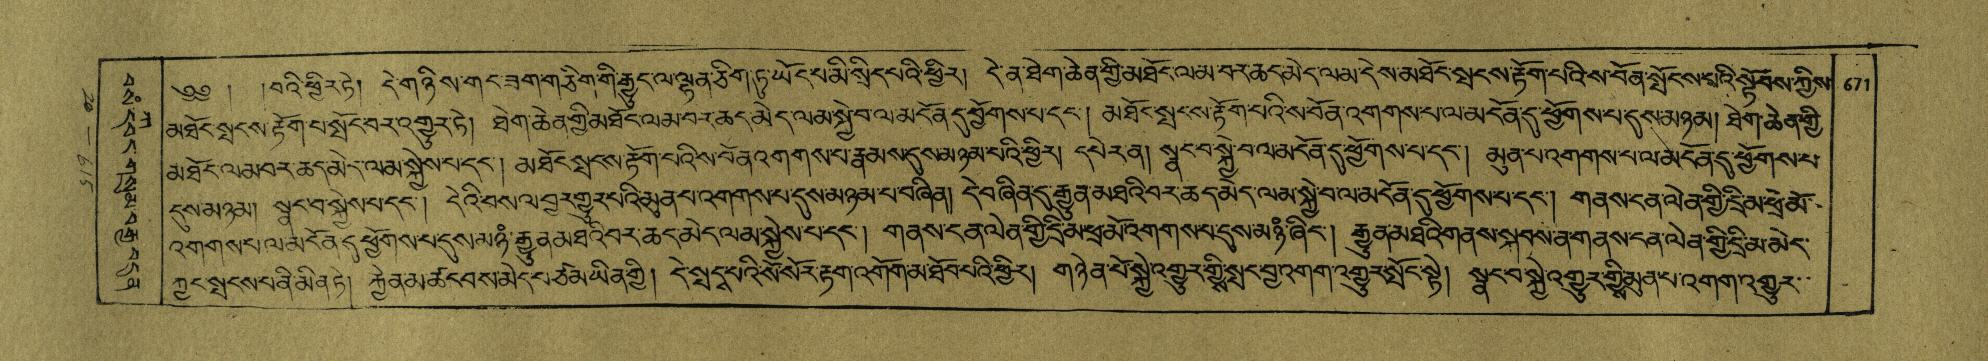༄༅། །བའི་ཕྱིར་ཏེ། དེ་གཉིས་གང་ཟག་གཅིག་གི་རྒྱུད་ལ་ལྷན་ཅིག་ཏུ་ཡོད་པ་མི་སྲིད་པའི་ཕྱིར། དེ་ན་ཐེག་ཆེན་གྱི་མཐོང་ལམ་བར་ཆད་མེད་ལམ་དེས་མཐོང་སྤངས་རྟོག་པའི་ས་བོན་སྤོངས་པའི་སྟོབས་ཀྱིས་
མཐོང་སྤངས་རྟོག་པ་སྤོང་བར་འགྱུར་ཏེ། ཐེག་ཆེན་གྱི་མཐོང་ལམ་བར་ཆད་མེད་ལམ་སྐྱེ་བ་ལ་མངོན་དུ་ཕྱོགས་པ་དང་། མཐོང་སྤངས་རྟོག་པའི་ས་བོན་འགགས་པ་ལ་མངོན་དུ་ཕྱོགས་པ་དུས་མཉམ། ཐེག་ཆེན་གྱི་
མཐོང་ལམ་བར་ཆད་མེད་ལམ་སྐྱེས་པ་དང་། མཐོང་སྤངས་རྟོག་པའི་ས་བོན་འགགས་པ་རྣམས་དུས་མཉམ་པའི་ཕྱིར། དཔེར་ན། སྣང་བ་སྐྱེ་བ་ལ་མངོན་དུ་ཕྱོགས་པ་དང་། མུན་པ་འགགས་པ་ལ་མངོན་དུ་ཕྱོགས་པ་
དུས་མཉམ། སྣང་བ་སྐྱེས་པ་དང་། དེའི་བསལ་བྱར་གྱུར་པའི་མུན་པ་འགགས་པ་དུས་མཉམ་པ་བཞིན། དེ་བཞིན་དུ་རྒྱུན་མཐའི་བར་ཆད་མེད་ལམ་སྐྱེ་བ་ལ་མངོན་དུ་ཕྱོགས་པ་དང་། གནས་ངན་ལེན་གྱི་དྲི་མ་ཕྲ་མོ་
འགགས་པ་ལ་མངོན་དུ་ཕྱོགས་པ་དུས་མཉཾ་རྒྱུན་མཐའི་བར་ཆད་མེད་ལམ་སྐྱེས་པ་དང་། གནས་ངན་ལེན་གྱི་དྲི་མ་ཕྲ་མོ་འགགས་པ་དུས་མཉཾ་ཞིང་། རྒྱུན་མཐའི་གནས་སྐབས་ན་གནས་ངན་ལེན་གྱི་དྲི་མ་མེད་
ཀྱང་སྤངས་པ་ནི་མིན་ཏེ། རྐྱེན་མ་ཚང་བས་མེད་པ་ཙམ་ཡིན་གྱི། དེ་སྤངས་པའི་སོ་སོར་རྟག་འགོག་མ་ཐོབ་པའི་ཕྱིར། གཉེན་པོ་སྐྱེ་འགྱུར་གྱིས་སྤང་བྱ་འགག་འགྱུར་སྤོང་སྟེ། སྣང་བ་སྐྱེ་འགྱུར་གྱིས་མུན་པ་འགག་འགྱུར་